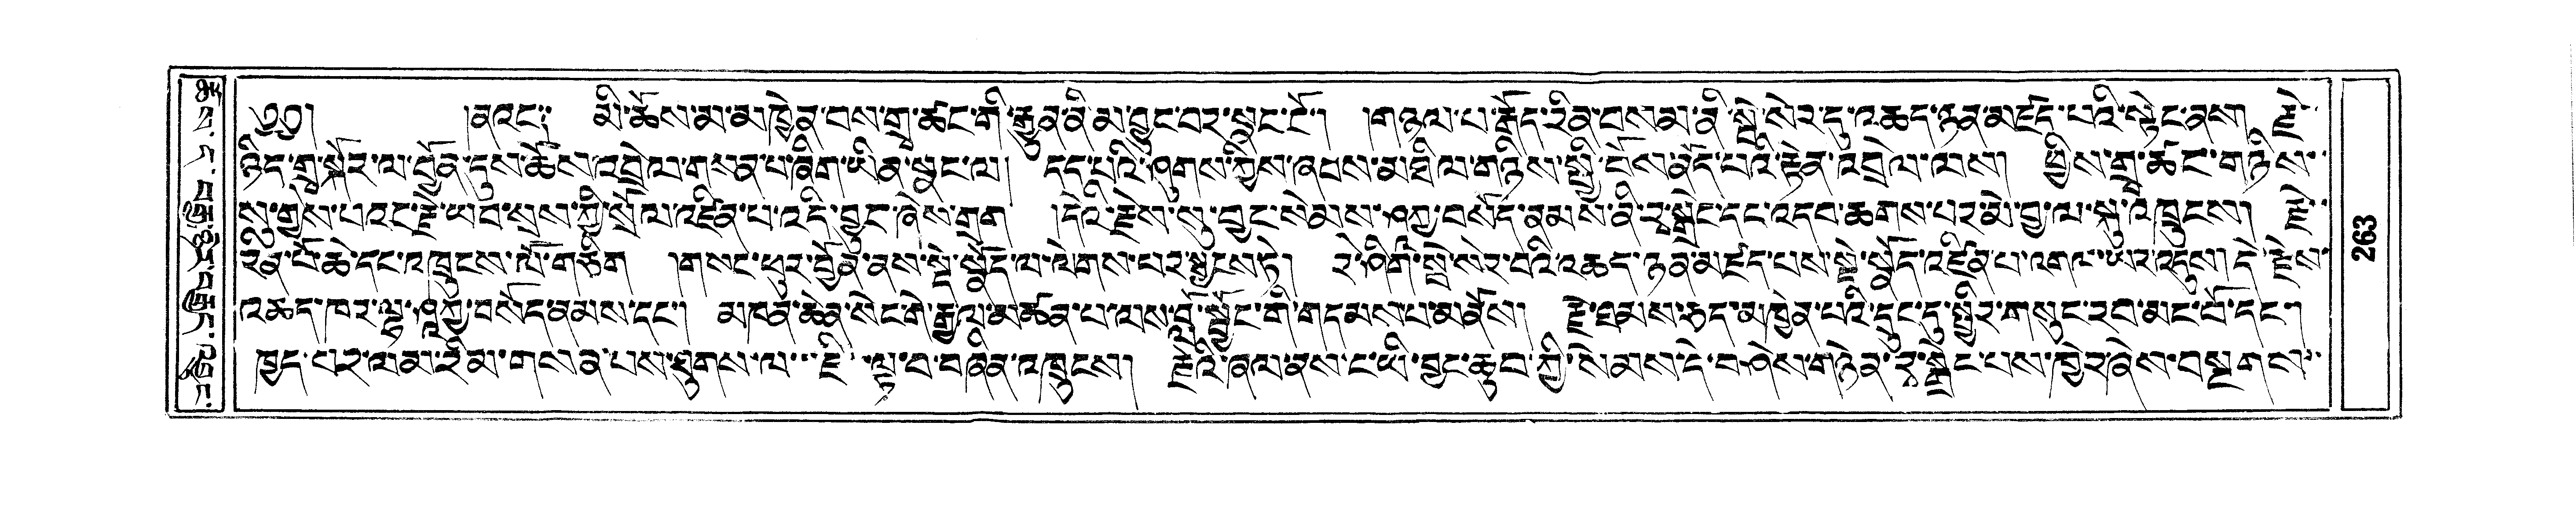༄༅། །ནའང༑ མི་ཆོས་མ་མཁྱེན་བས་གྲྭ་ཚང་གི་རྒྱུན་ནི་མ་བྱུང་བར་སྣང་ངོ། །གཉལ་པ་རྒོད་རིན་བསམ་ནི་སྦེ་སེར་དུ་འཆད་ཉན་མཛད་པའི་སྟེང་ནས། རྗེ་
ཉིད་གྲྭ་སྐོར་ལ་བྱོན་དུས་ཆོས་འབྲེལ་གསན་པ་ཞིག་ཡིན་སྣང་ལ། དང་པའི་ཤུགས་ཀྱིས་ཞབས་མཐིལ་གཉིས་སྤྱི་བོས་ནོད་པའི་རྟེན་འབྲེལ་ལས། ཕྱིས་གྲྭ་ཚང་གཉིས་
སུ་གྱེས་པའང་རྗེ་ཡབ་སྲས་ཀྱི་སྲོལ་འཛིན་པ་འདི་བྱུང་ཞེས་གྲག །དེའི་རྗེས་སུ་བྱང་སེམས་ཤཱཀྱ་བསོད་ནམས་ནི་རྭ་སྒྲེང་དང་འདབ་ཆགས་པར་མེ་བྱ་ལ་སྐུ་འཁྲུངས། རྗེ་
རིན་པོ་ཆེ་དང་འཁྲུངས་ལོ་གཅིག །གསང་ཕུར་བྱོན་ནས་སྡེ་སྣོད་ལ་ལེགས་པར་སྦྱངས་ཏེ། རེ་ཤིག་སྦེ་སེར་བའི་འཆད་ཉན་མཛད་པས་སྡེ་སྣོད་འཛིན་པ་འགའ་ཡར་འདུས། དེ་རྗེས་
འཆད་ཁར་ལྷ་ཤའྐྱ་བསོད་ནམས་དང་། མཁན་ཆེན་སེང་གེ་རྒྱལ་མཚན་པ་ལས་བློ་སྦྱོང་གི་གདམས་པ་མནོས། རྗེ་ཐམས་ཅད་མཁྱེན་པའི་དྲུང་དུ་སྤྱིར་གསུང་རབ་མང་བོ་དང་།
ཁྱད་པར་ལམ་རིམ་གསན་པས་ཐུགས་ལ་ཇི་ལྟ་བ་བཞིན་འཁྲུངས། རྗེའི་ཞལ་ནས་ང་ཡི་བྱང་ཆུབ་ཀྱི་སེམས་དེ་བཤེས་གཉེན་རྭ་སྒྲེང་པས་ཁྱེར་ཞེས་བསྔགས་